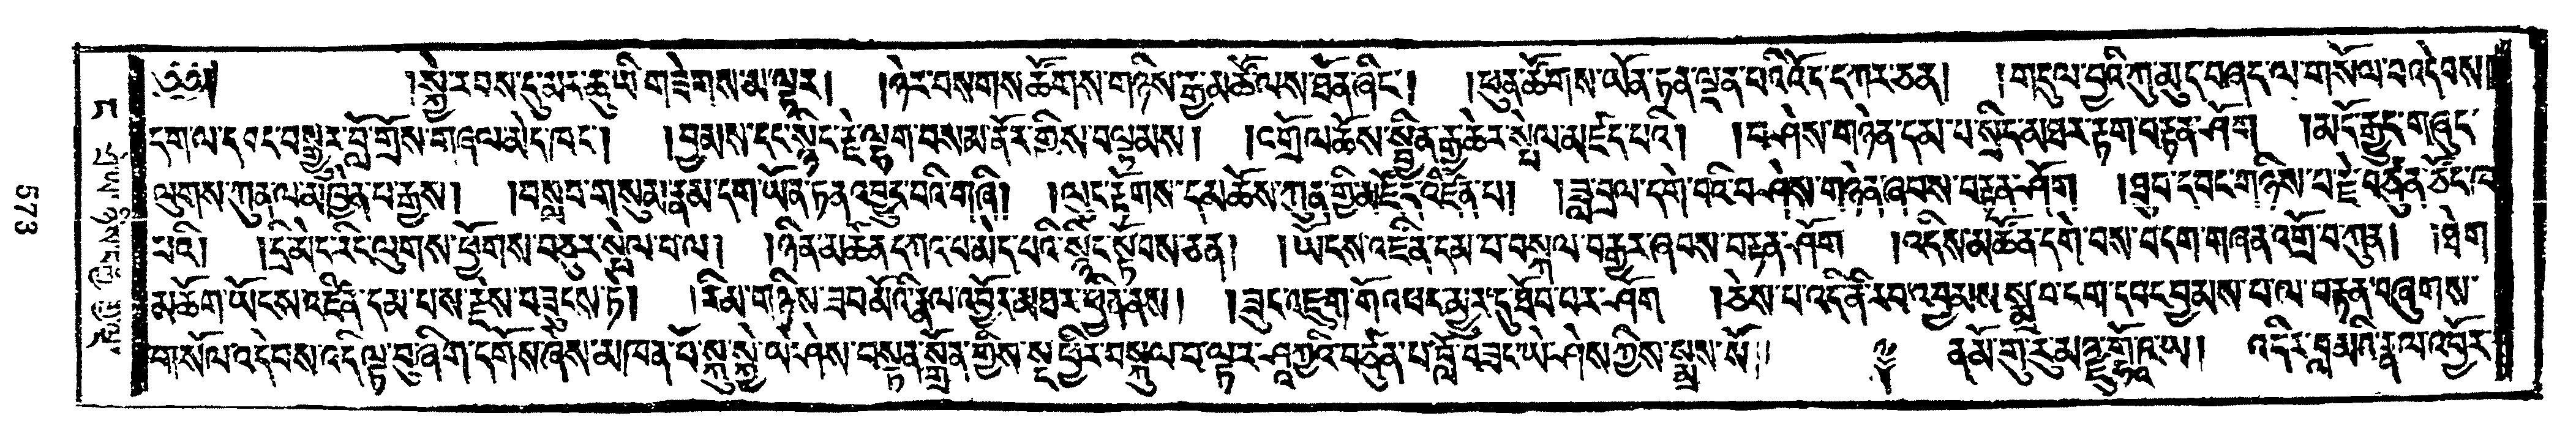༄༅། །སྐྱེ་རབས་དུ་མར་ཆུ་ཡི་གཟེགས་མ་ལྟར། །ཉེར་བསགས་ཚོགས་གཉིས་རྒྱ་མཚོ་ལས་ཐོན་ཞིང་། །ཕུན་ཚོགས་ཡོན་ཏན་ལྡན་པའི་འོད་དཀར་ཅན། །གདུལ་བྱའི་ཀུ་མུད་བཞད་ལ་གསོལ་བ་འདེབས།
དག་ལ་དབང་བསྒྱུར་བློ་གྲོས་གཞལ་མེད་ཁང་། །བྱམས་དང་སྙིང་རྗེ་ལྷག་བསམ་ནོར་གྱིས་བལྟམས། །འགྲོ་ལ་ཆོས་སྦྱིན་རྒྱ་ཆེར་སྤེལ་མཛད་པའི། །བཤེས་གཉེན་དམ་པ་སྲིད་མཐར་རྟག་བརྟན་ཤོག །མདོ་རྒྱུད་གཞུང་
ལུགས་ཀུན་ལ་མཁྱེན་པ་རྒྱས། །བསླབ་གསུམ་རྣམ་དག་ཡོན་ཏན་འབྱུང་བའི་གཞི། །ལུང་རྟོགས་དམ་ཆོས་ཀུན་གྱི་མཛོད་འཛིན་པ། །ཟླ་བྲལ་དགེ་བའི་བཤེས་གཉེན་ཞབས་བརྟན་ཤོག །ཐུབ་དབང་གཉིས་པ་རྗེ་བཙུན་ཙོང་ཁ་
པའི། །དྲི་མེད་རིང་ལུགས་ཕྱོགས་བཅུར་སྤེལ་བ་ལ། །ཉིན་མཚན་དཀའ་པ་མེད་པའི་སྙིང་སྟོབས་ཅན། །ཡོངས་འཛིན་དམ་པ་བསྐལ་བརྒྱར་ཞབས་བརྟན་ཤོག །འདིས་མཚོན་དགེ་བས་བདག་གཞན་འགྲོ་བ་ཀུན། །ཐེག་
མཆོག་ཡོངས་འཛིན་དམ་པས་རྗེས་བཟུངས་ཏེ། །རིམ་གཉིས་ཟབ་མོའི་རྣལ་འབྱོར་མཐར་ཕྱིན་ནས། །ཟུང་འཇུག་གོ་འཕང་མྱུར་དུ་ཐོབ་པར་ཤོག །ཅེས་པ་འདི་ནི་རབ་འབྱམས་སྨྲ་བ་ངག་དབང་བྱམས་པ་ལ་བརྟན་བཞུགས་
གསོལ་འདེབས་འདི་ལྟ་བུ་ཞིག་དགོས་ཞེས་མཁན་པོ་སྐུ་སྐྱེ་ཡེ་ཤེས་བསྟན་སྒྲོན་གྱིས་སྔ་ཕྱིར་བསྐུལ་བ་ལྟར་ཤཱཀྱའི་བཙུན་པ་བློ་བཟང་ཡེ་ཤེས་ཀྱིས་སྨྲས་སོ། ། ༈ ན་མོ་གུ་རུ་མཉྫུ་གྷོ་ཥཱ་ཡ། འདིར་བླ་མའི་རྣལ་འབྱོར་